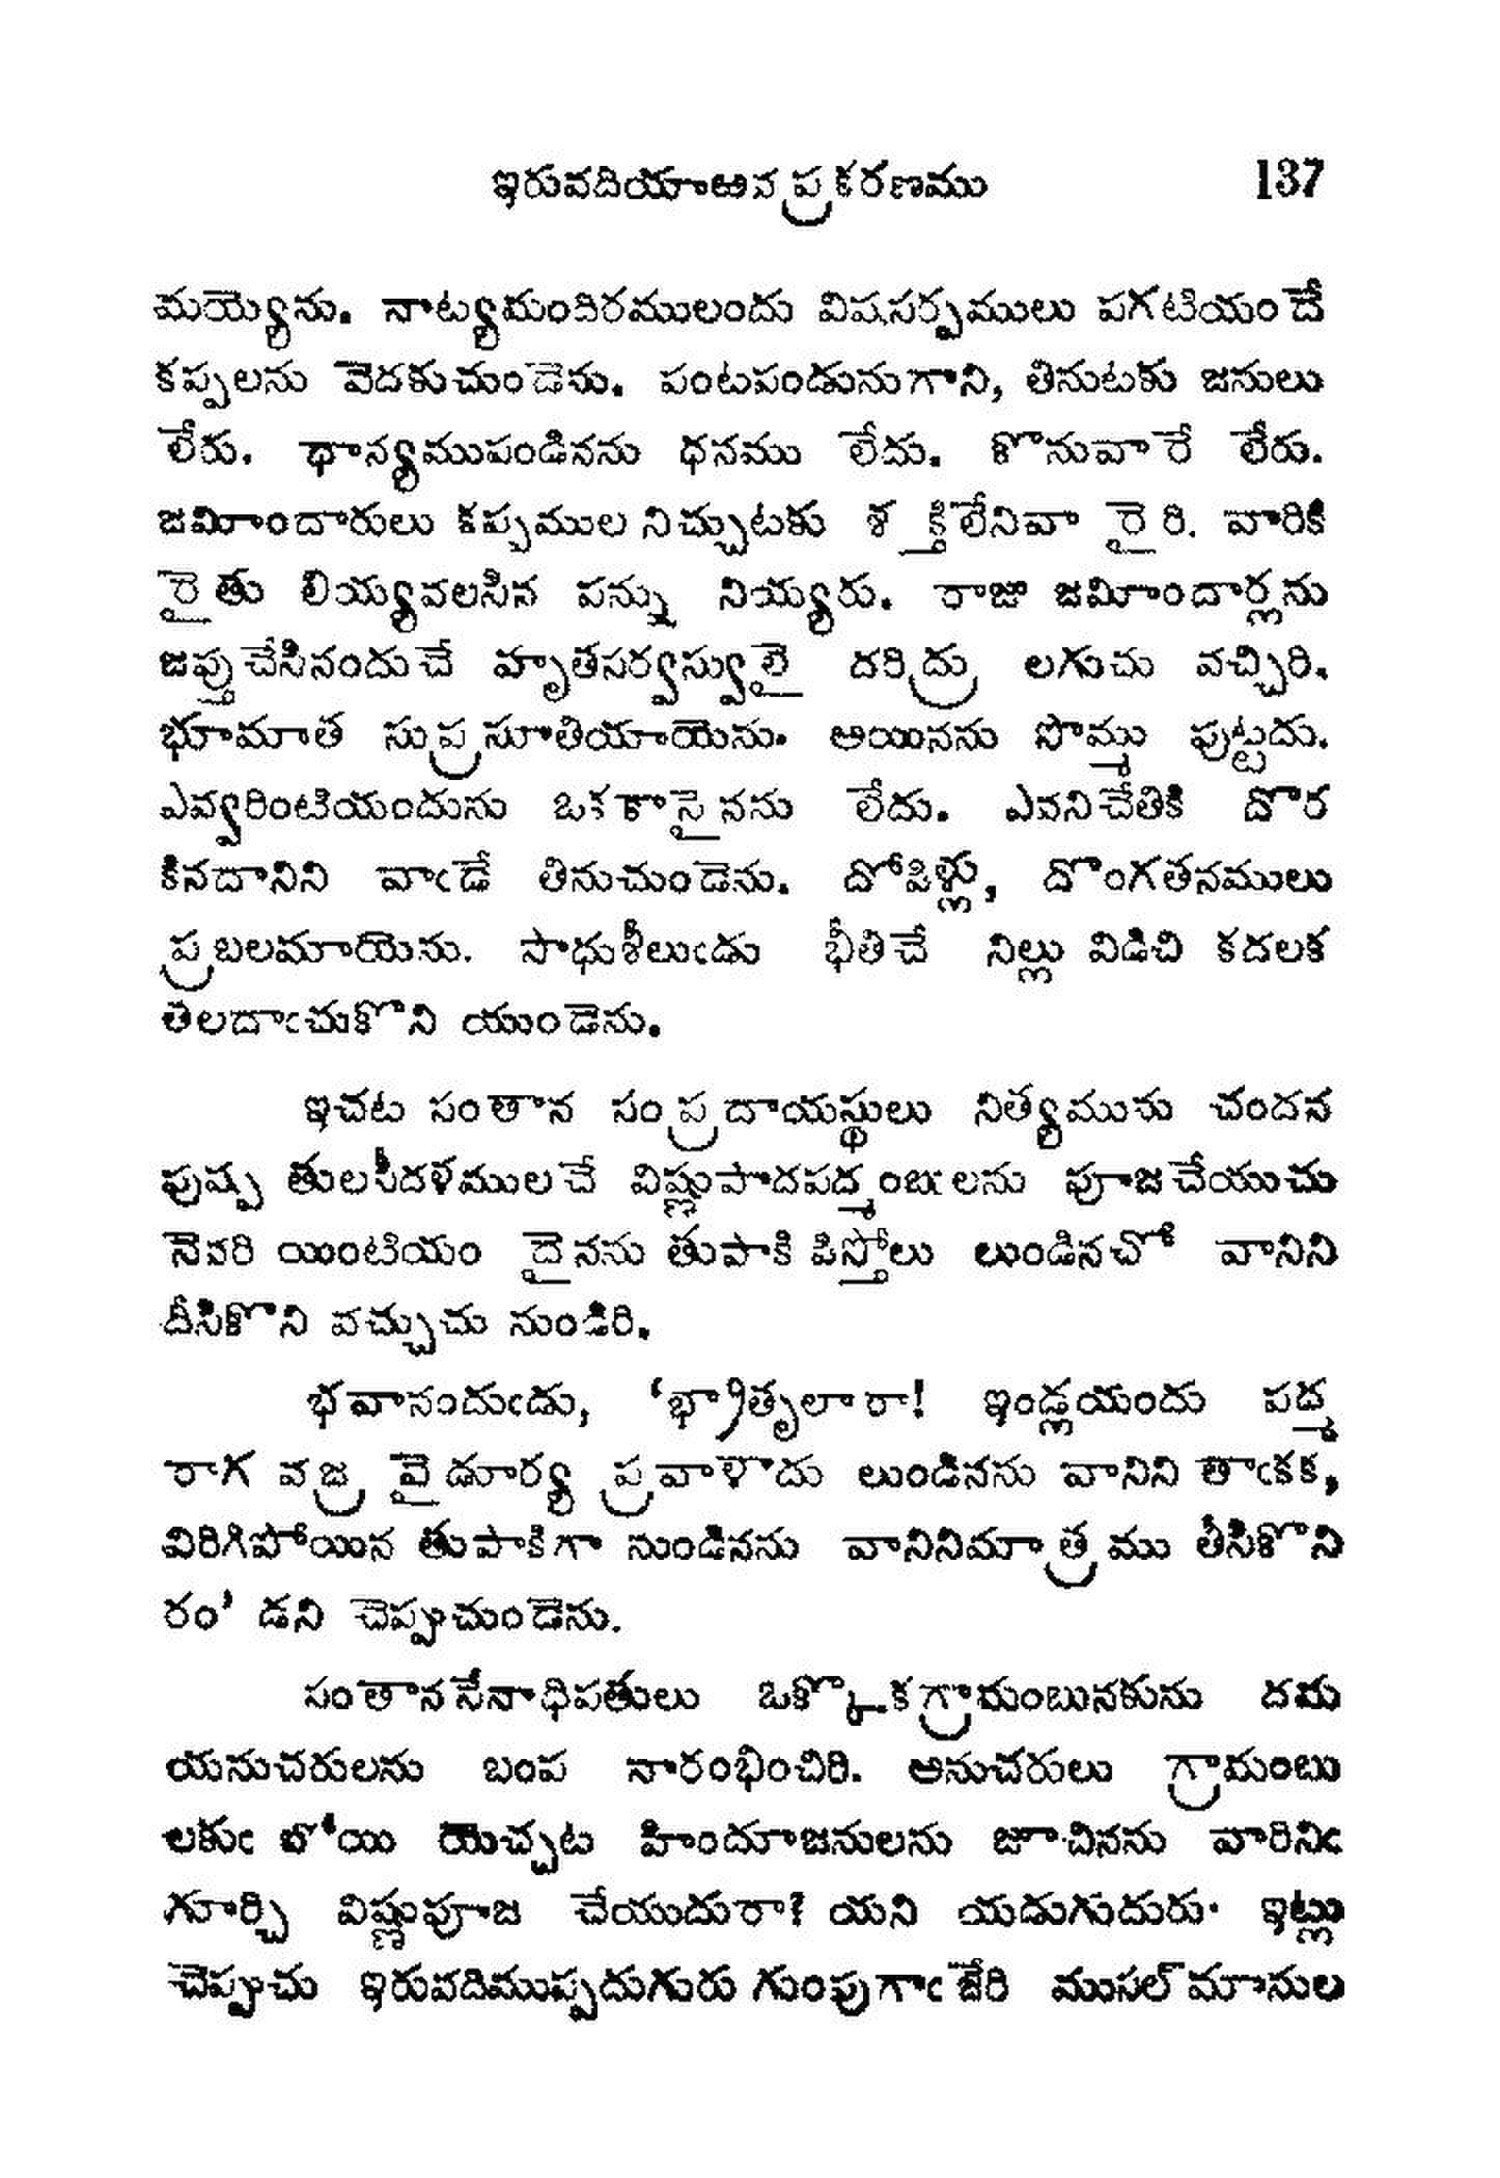మయ్యెను. నాట్య మందిరములందు విషసర్పములు పగటియందే కప్పలను వెదకుచుండెను. పంటపండునుగాని, తీనుటకు జనులు లేరు. ధాన్యముపండినను ధనము లేదు. కొనువారే లేరు. జమీందారులు కప్పముల నిచ్చుటకు శక్తి లేనివా రైరి. వారికి రైతు లియ్యవలసిన పన్ను నియ్యరు. రాజు జమీందార్లను జప్తు చేసినందుచే హృతసర్వస్వులై దరిద్రు లగుచు వచ్చిరి, భూమాత సుప్రసూతియాయెను. అయినను సొమ్ము పుట్టదు. ఎవ్వరింటియందును ఒక కాసై నను లేదు. ఎవని చేతికి దోరకిన దానిని వాఁడే తినుచుండెను. దోపిళ్లు, దొంగతనములు ప్రబలమాయెను. సాధుశీలుఁడు భీతి చే నిల్లు విడిచి కదలక తలదాచుకొని యుండెను

ఇచట సంతాన సంప్రదాయస్థులు నిత్యమును చందన పుష్ప తులసీదళములచే విష్ణుపాదపద్మంబులను పూజ చేయుచు
నెవరి యింటియం దైనను తుపాకి పిస్తోలు లుండినచో వానిని దీసికొని వచ్చుచు నుండిరి.

భవానందుఁడు, 'భ్రాతృలారా! ఇండ్లయందు పద్మరాగ వజ్ర వైడూర్య ప్రవాళాదు లుండినను వానిని తాఁకక, విరిగిపోయిన తుపాకిగా నుండినను వానినిమాత్రము తీసికొనిరం' డని చెప్పుచుండెను.

సంతాన సేనాధిపతులు ఒక్కొక గ్రామంబునకును దమ యనుచరులను బంప నారంభించిరి. అనుచరులు గ్రామంబు
లకుల బోయి యెచ్చట హిందూజనులను జూచినను వారినిఁ గూర్చి విష్ణుపూజ చేయుదురా? యని యడుగుదురు. ఇట్లు
చెప్పుచు ఇరువది ముప్పదుగురు గుంపుగాఁ జేరి ముసల్ మానుల